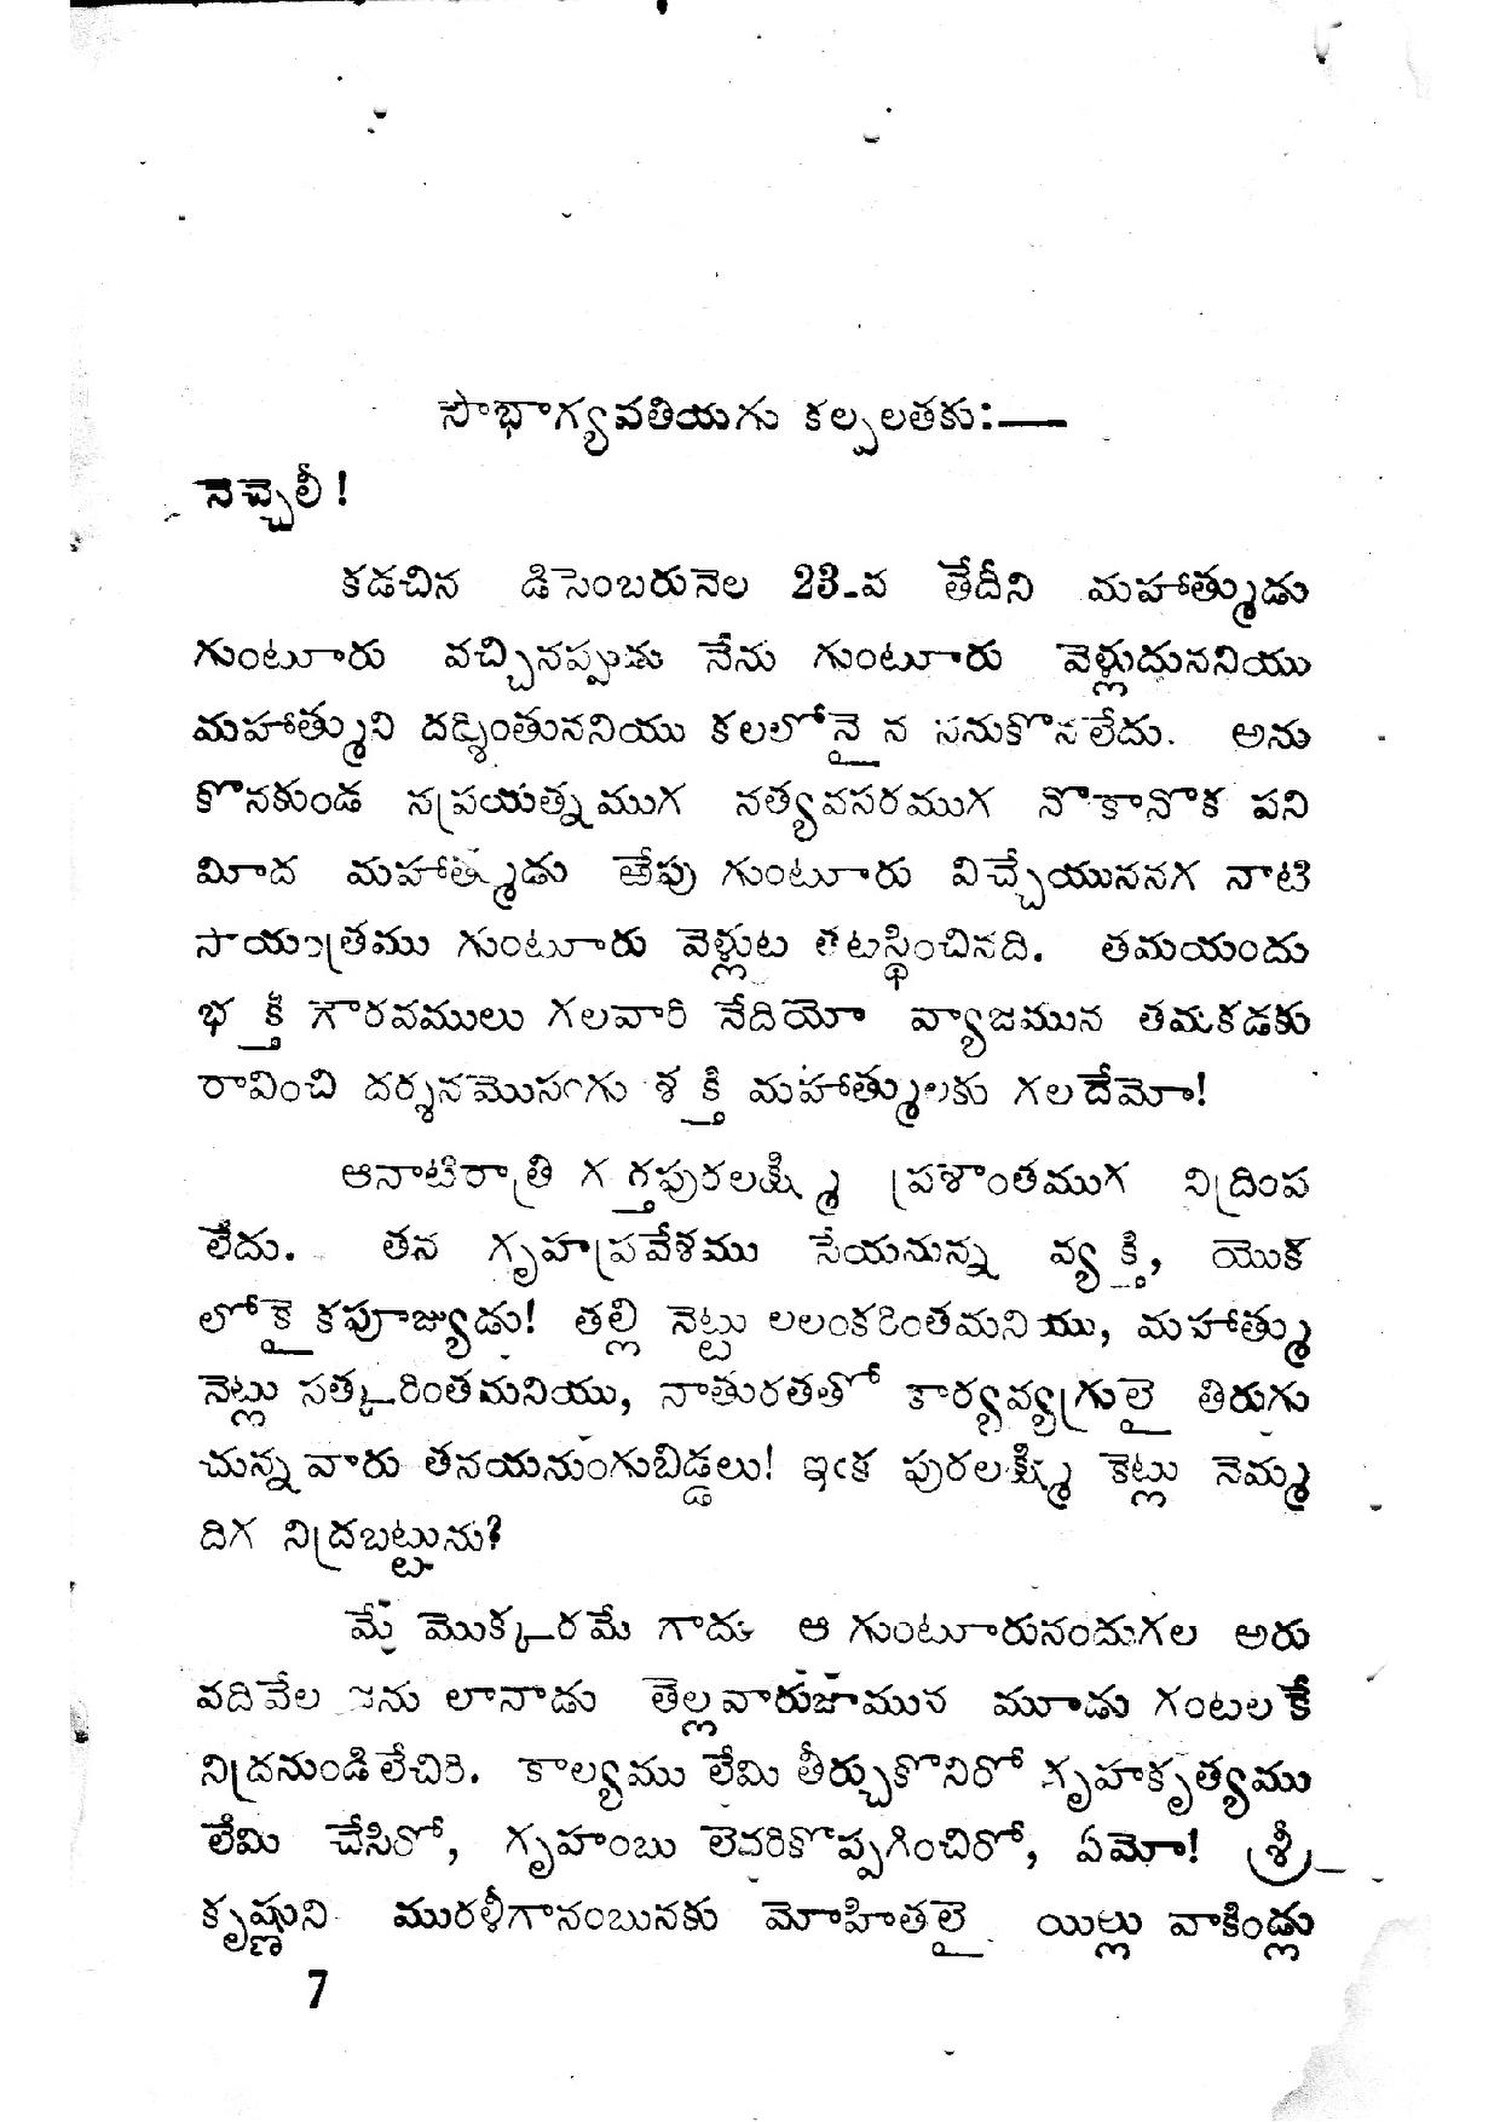నెచ్చెలీ!

కడచిన డిసెంబరు నెల 23వ తేదీని మహాత్ముడు
గుంటూరు వచ్చినప్పుడు నేను గుంటూరు వెళ్లుదుననియు
మహాత్ముని దర్శింతుననియు కలలోనై న ననుకొన లేదు. అను 
కొనకుండ నప్రయత్నముగ నత్యవసరముగ నొకానొక పని
మీద మహాత్ముడు ఱేపు గుంటూరు విచ్చేయుననగ నాటి
సాయంత్రము గుంటూరు వెళ్లుట తటస్థించినది. తమయందు
భ క్తి గౌరవములు గలవారి నేదియో వ్యాజమున తమకడకు
రావించి దర్శన మొసఁగు శక్తి మహాత్ములకు గలదేమో!

ఆనాటిరాత్రి గర్తపురలక్ష్మి ప్రశాంతముగ నిద్రింప
లేదు. తన గృహప్రవేశము సేయనున్న వ్యక్తి, యొక
లోకైకపూజ్యుడు! తల్లి నెట్టు అలంకరింతమనియు, మహాత్ము
నెట్లు సత్కరింతమనియు, నాతురతతో కార్యవ్యగ్రులై తిరుగు
చున్న వారు తనయనుంగుబిడ్డలు! ఇంక పురలక్ష్మి కెట్లు నెమ్మ
దిగ నిద్రబట్టును?

మే మొక్కరమే గాదు ఆ గుంటూరు నందు గల అరు
వదివేల జను లానాడు తెల్లవారుజామున మూడు గంటలకే
నిద్రనుండి లేచిరి. కాల్యము లేమి తీర్చుకొనిరో గృహకృత్యము
లేమి చేసికో, గృహంబు లెవరికొప్పగించిరో, ఏమో! శ్రీ
కృష్ణుని మురళీగానంబునకు మోహితలై యిల్లు వాకిండ్లు
7